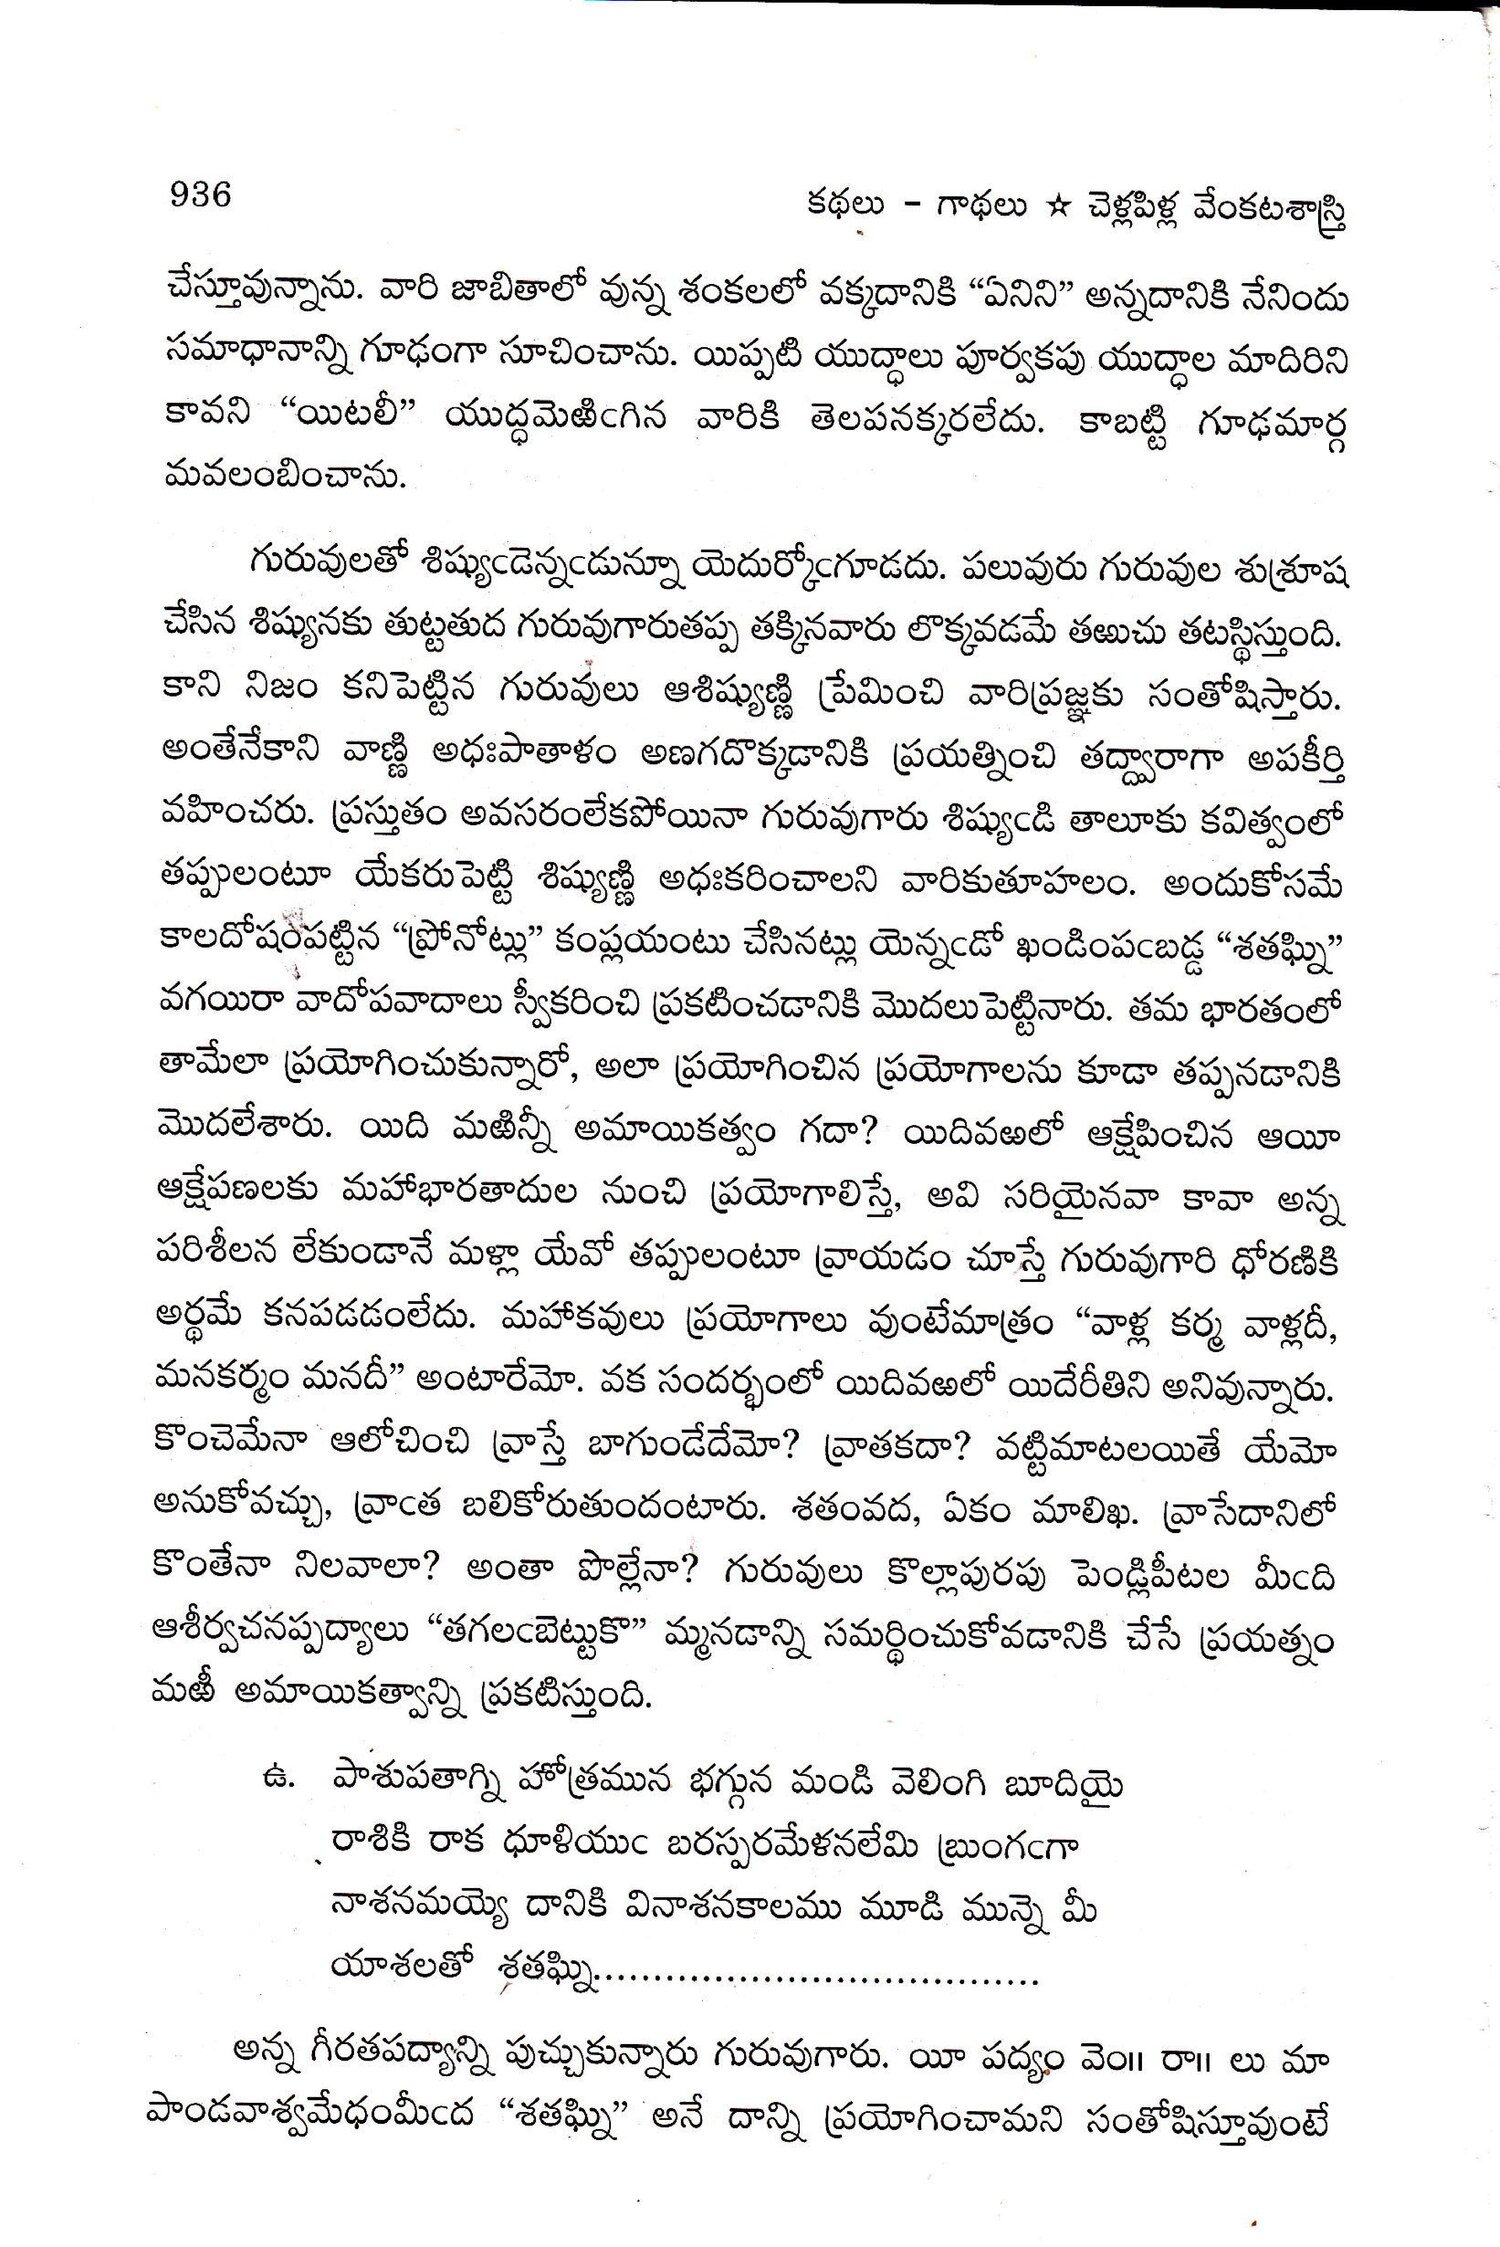చేస్తూవున్నాను. వారి జాబితాలో వున్న శంకలలో వక్కదానికి “ఏనిని” అన్నదానికి నేనిందు సమాధానాన్ని గూఢంగా సూచించాను. యిప్పటి యుద్ధాలు పూర్వకపు యుద్ధాల మాదిరిని కావని “యిటలీ" యుద్ధమెఱిఁగిన వారికి తెలపనక్కరలేదు. కాబట్టి గూఢమార్గ మవలంబించాను.

గురువులతో శిష్యుఁడెన్నఁడున్నూ యెదుర్కోఁగూడదు. పలువురు గురువుల శుశ్రూష చేసిన శిష్యునకు తుట్టతుద గురువుగారుతప్ప తక్కినవారు లొక్కవడమే తఱుచు తటస్థిస్తుంది. కాని నిజం కనిపెట్టిన గురువులు ఆశిష్యుణ్ణి ప్రేమించి వారి ప్రజ్ఞకు సంతోషిస్తారు. అంతేనేకాని వాణ్ణి అధఃపాతాళం అణగదొక్కడానికి ప్రయత్నించి తద్ద్వారాగా అపకీర్తి వహించరు. ప్రస్తుతం అవసరంలేకపోయినా గురువుగారు శిష్యుఁడి తాలూకు కవిత్వంలో తప్పులంటూ యేకరుపెట్టి శిష్యుణ్ణి అధఃకరించాలని వారికుతూహలం. అందుకోసమే కాలదోషంపట్టిన “ప్రోనోట్లు" కంప్లయంటు చేసినట్లు యెన్నఁడో ఖండింపఁబడ్డ “శతఘ్ని" వగయిరా వాదోపవాదాలు స్వీకరించి ప్రకటించడానికి మొదలుపెట్టినారు. తమ భారతంలో తామేలా ప్రయోగించుకున్నారో, అలా ప్రయోగించిన ప్రయోగాలను కూడా తప్పనడానికి మొదలేశారు. యిది మఱిన్నీ అమాయికత్వం గదా? యిదివఱలో ఆక్షేపించిన ఆయీ ఆక్షేపణలకు మహాభారతాదుల నుంచి ప్రయోగాలిస్తే, అవి సరియైనవా కావా అన్న పరిశీలన లేకుండానే మళ్లా యేవో తప్పులంటూ వ్రాయడం చూస్తే గురువుగారి ధోరణికి అర్ధమే కనపడడంలేదు. మహాకవులు ప్రయోగాలు వుంటేమాత్రం “వాళ్ల కర్మ వాళ్లదీ, మనకర్మం మనదీ” అంటారేమో. వక సందర్భంలో యిదివఱలో యిదేరీతిని అనివున్నారు. కొంచెమేనా ఆలోచించి వ్రాస్తే బాగుండేదేమో? వ్రాతకదా? వట్టిమాటలయితే యేమో అనుకోవచ్చు, వ్రాఁత బలికోరుతుందంటారు. శతంవద, ఏకం మాలిఖ. వ్రాసేదానిలో కొంతేనా నిలవాలా? అంతా పొల్లేనా? గురువులు కొల్లాపురపు పెండ్లిపీటల మీఁది ఆశీర్వచనప్పద్యాలు “తగలఁబెట్టుకొ" మ్మనడాన్ని సమర్ధించుకోవడానికి చేసే ప్రయత్నం మఱీ అమాయికత్వాన్ని ప్రకటిస్తుంది. -

ఉ. పాశుపతాగ్ని హోత్రమున భగ్గున మండి వెలింగి బూదియై
 రాశికి రాక ధూళియుఁ బరస్పరమేళనలేమి బ్రుంగఁగా 
 నాశనమయ్యె దానికి వినాశనకాలము మూడి మున్నె మీ 
 యాశలతో శతఘ్ని ............................................
అన్న గీరతపద్యాన్ని పుచ్చుకున్నారు గురువుగారు. యీ పద్యం వెం|| రా|| లు మా పాండవాశ్వమేధంమీఁద “శతఘ్ని" అనే దాన్ని ప్రయోగించామని సంతోషిస్తూవుంటే